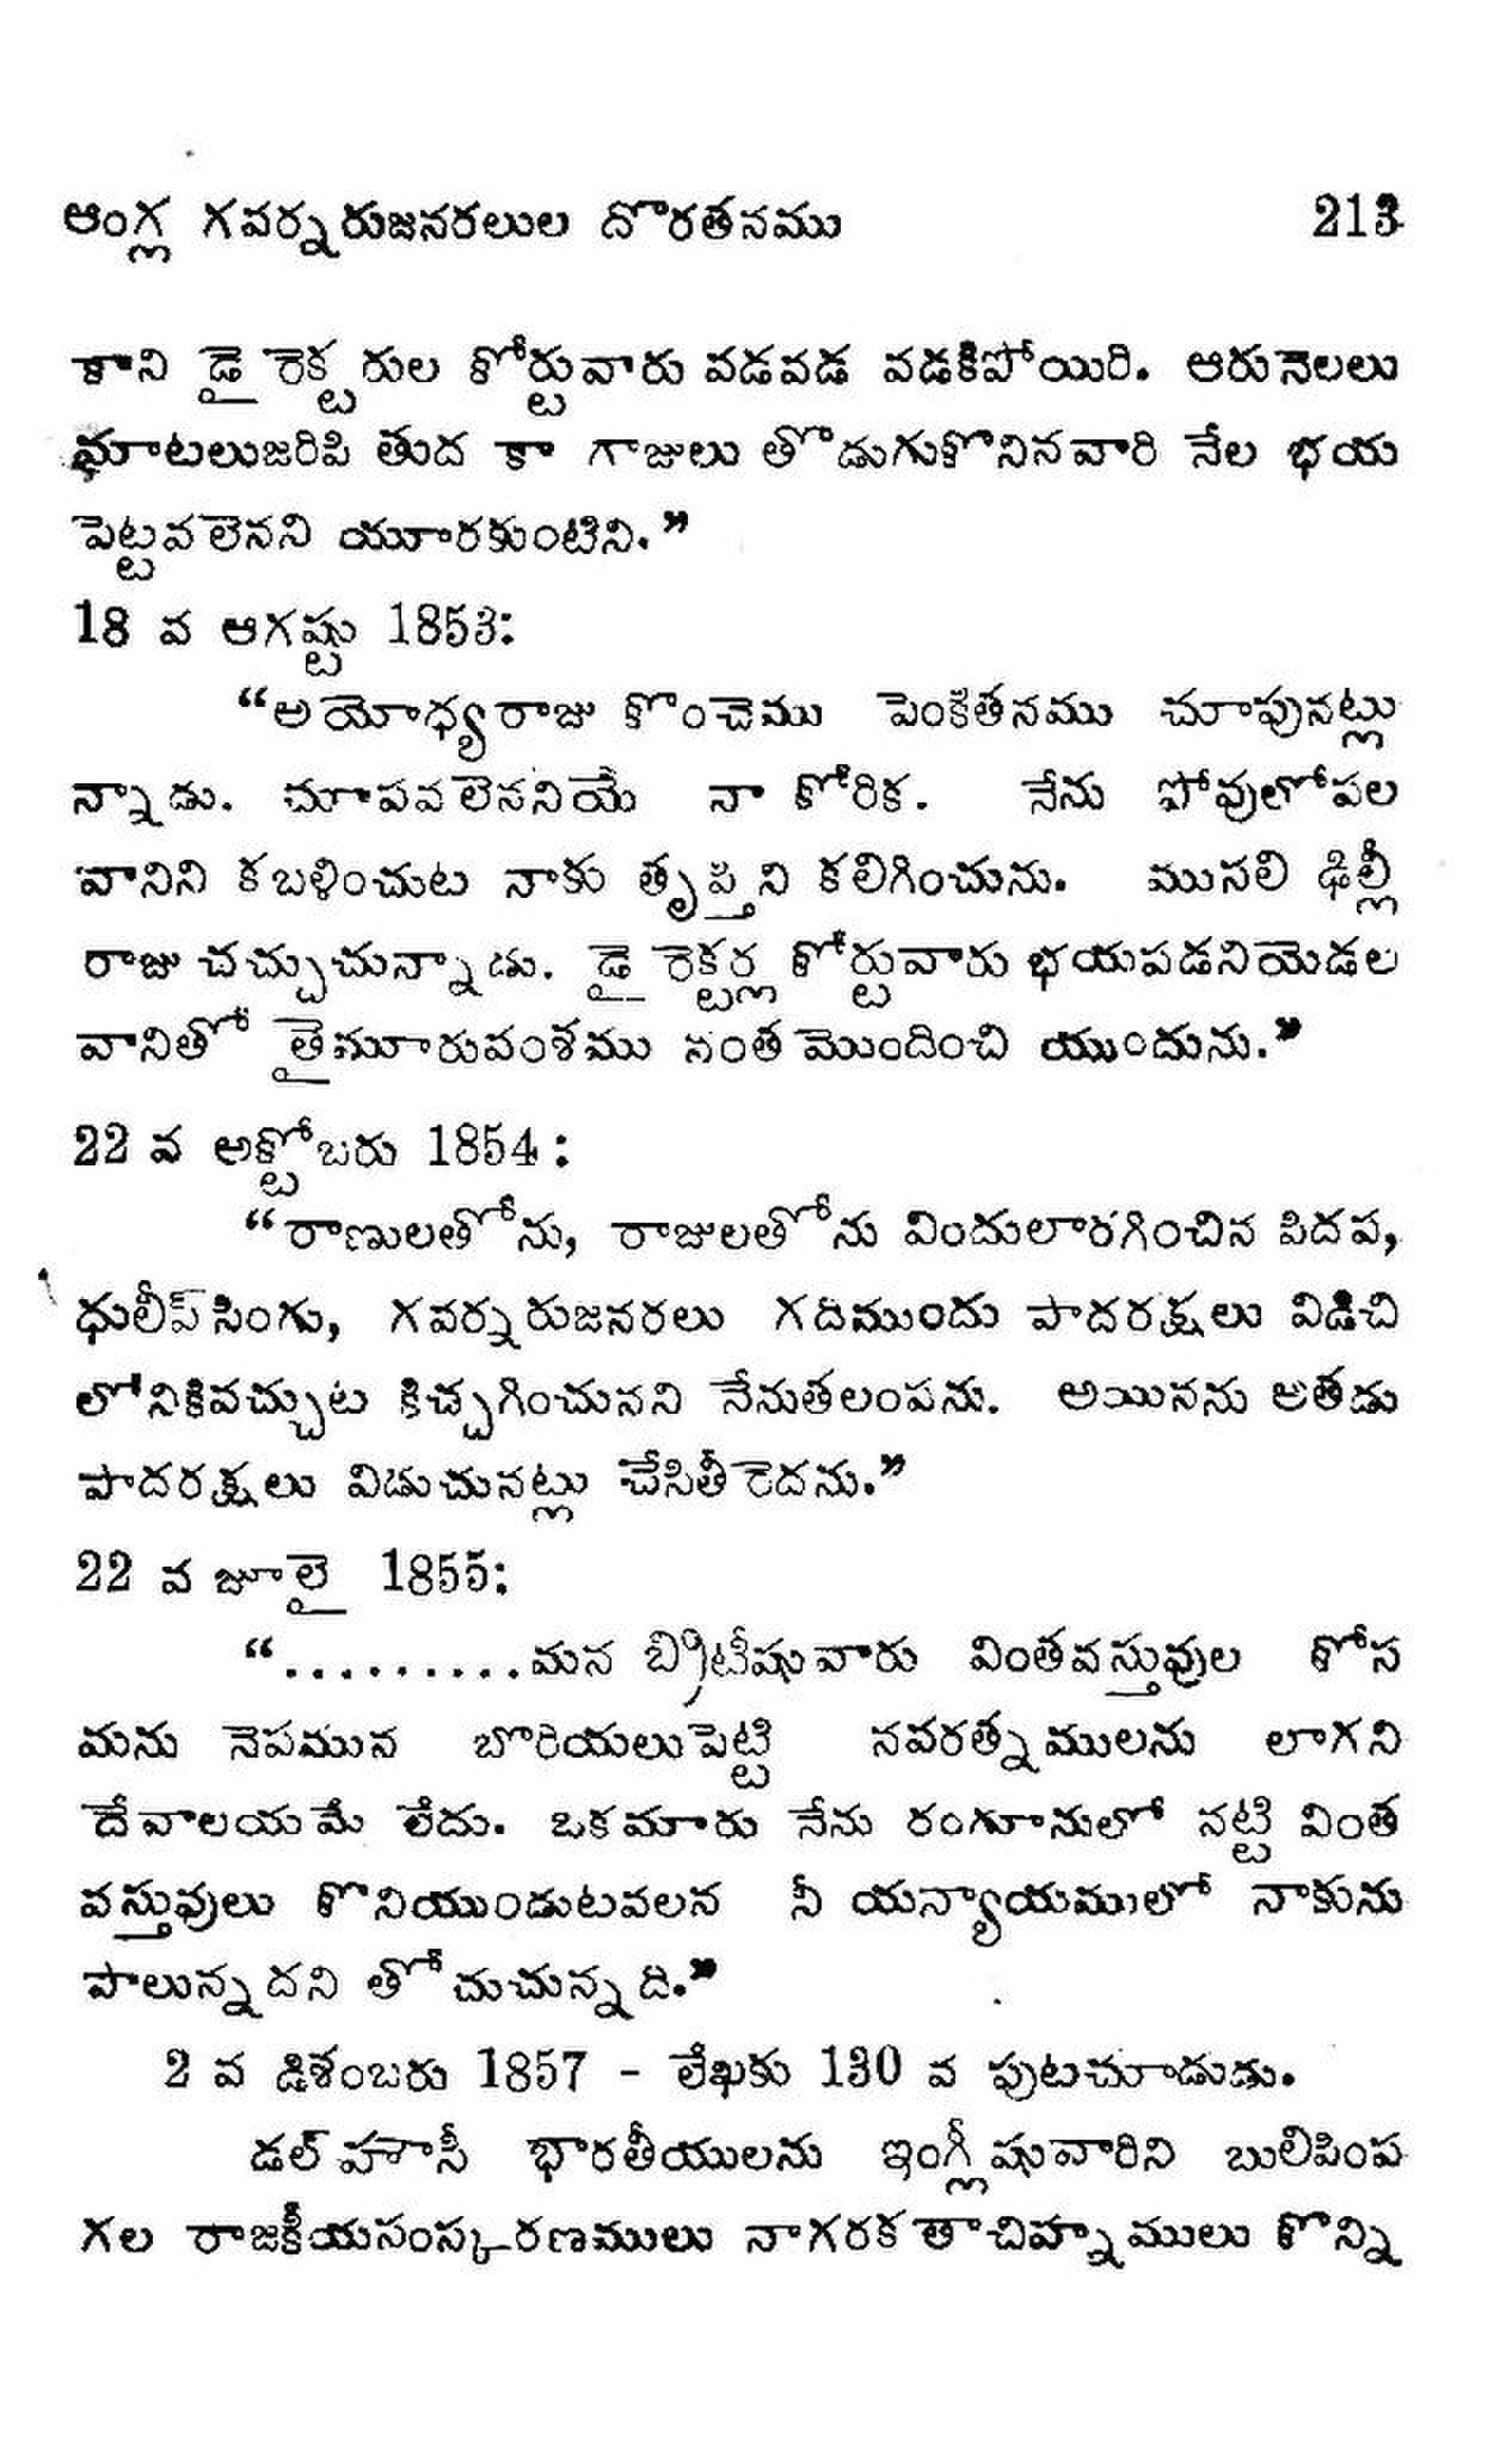కాని డైరెక్టరుల కోర్టువారు వడవడ వడకిపోయిరి. ఆరునెలలు మాటలుజరిపి తుద కా గాజులు తొడుగుకొనినవారి నేల భయపెట్టవలెనని యూరకుంటిని. " 

18 వ ఆగష్టు 1853:

“అయోధ్యరాజు కొంచెము పెంకితనము చూపునట్లున్నాడు. చూపవలెననియే నా కోరిక. నేను పోవులోపల వానిని కబళించుట నాకు తృప్తిని కలిగించును. ముసలి ఢిల్లీ రాజు చచ్చుచున్నాడు. డైరెక్టర్ల కోర్టువారు భయపడనియెడల వానితో తైమూరువంశము నంతమొందించి యుందును. ” 

22 వ అక్టోబరు 1854:

"రాణులతోను, రాజులతోను విందులారగించిన పిదప, ధులీప్‌సింగు, గవర్నరుజనరలు గదిముందు పాదరక్షలు విడిచి లోనికివచ్చుట కిచ్చగించునని నేనుతలంపను. అయినను అతడు పాదరక్షలు విడుచునట్లు చేసితీరెదను.” 

22 వ జూలై 1855;

".........మన బ్రిటీషువారు వింతవస్తువుల కోసమను నెపమున బొరియలుపెట్టి నవరత్నములను లాగని దేవాలయమే లేదు. ఒకమారు నేను రంగూనులో నట్టి వింతవస్తువులు కొనియుండుటవలన నీ యన్యాయములో నాకును పాలున్నదని తోచుచున్నది." 

2 వ డిశంబరు 1857 - లేఖకు 130 వ ఫుటచూడుడు.

డల్‌హౌసీ భారతీయులను ఇంగ్లీషువారిని బులిపింపగల రాజకీయసంస్కరణములు నాగరకతాచిహ్నములు కొన్ని